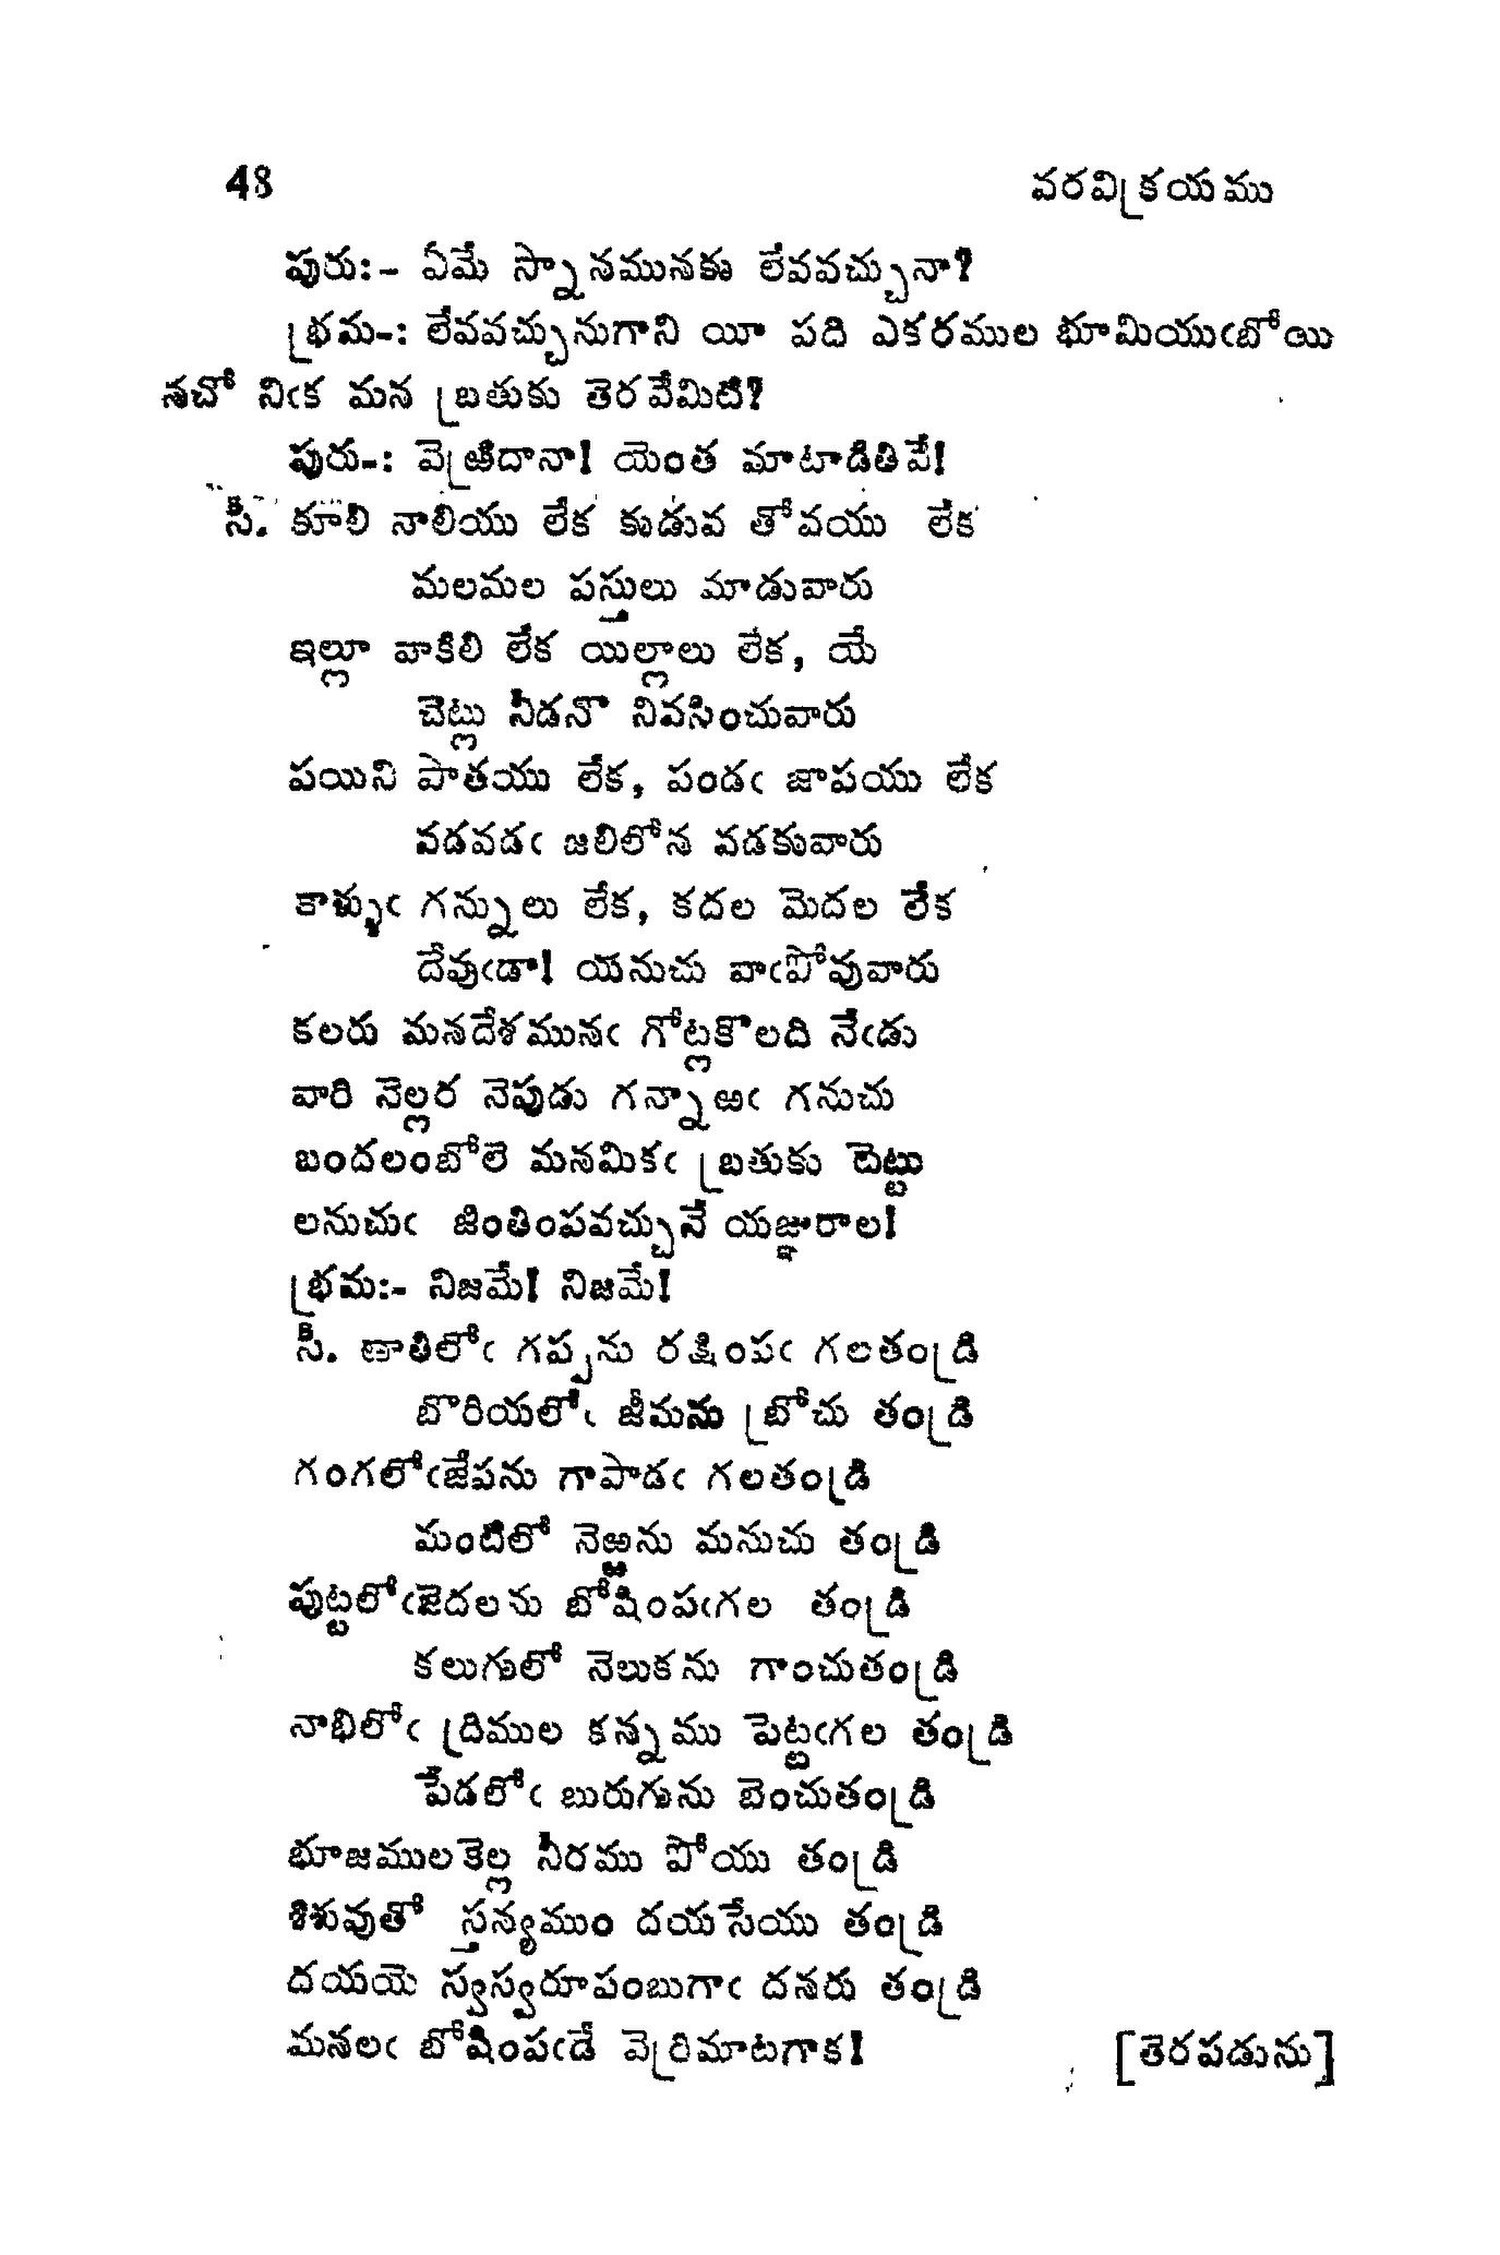పురు :- ఏమే స్నానమునకు లేవవచ్చునా?

భ్రమ :- లేవవచ్చునుగాని యీ పది ఎకరముల భూమియుఁబోయినచో నిఁక మన బ్రతుకు తెరవేమిటి?

పురు :- వెఱ్రిదానా! యెంత మాటాడితివే!

సీ. కూలి నాలియు లేక కుడువ తోవయు లేక
 మలమల పస్తులు మాడువారు
 ఇల్లు వాకిలి లేక యిల్లాలు లేక, యే
 చెట్టు నీడనొ నివసించువారు
 పయిని పాతయు లేక, పండఁ జాపయు లేక
 వడవడఁ జలిలోన -వడకువారు
 కాళ్ళుఁ గన్నులు లేక, కదల మెదల లేక
 దేవుఁడా! యనుచు వా-పోవువారు

 కలరు మనదేశమునఁ గోట్లకొలఁది నేఁడు
 వారి నెల్లర నెపుడుఁ గన్నాఱఁ గనుచు
 బందలంబోలె మనమికఁ బ్రతుకు టెట్టు
 లనుచుఁ జింతింపవచ్చునే యజ్ఞురాల!

భ్రమ :- నిజమే! నిజమే!

సీ. ఱాతిలోఁ గప్పను రక్షింపఁ గలతండ్రి
 బొరియలోఁ జీమను బ్రోచు తండ్రి
 గంగలోఁజేఁపను గాపాడఁ గలతండ్రి
 మంటిలో నెఱ్ఱను మనుచు తండ్రి
 పుట్టలోఁజెదలను బోషింపఁగల తండ్రి
 కలుగులో నెలుకను గాంచుతండ్రి
 నాభిలోఁ ద్రిముల కన్నము పెట్టఁగల తండ్రి
 పేడలోఁ బురుగును బెంచుతండ్రి

 భూజములకెల్ల నీరము పోయు తండ్రి
 శిశువుతో స్తన్యముం దయసేయు తండ్రి
 దయయె స్వస్వరూపంబుగాఁ దనరు తండ్రి
 మనలఁ బోషింపఁడే వెర్రిమాటగాక!